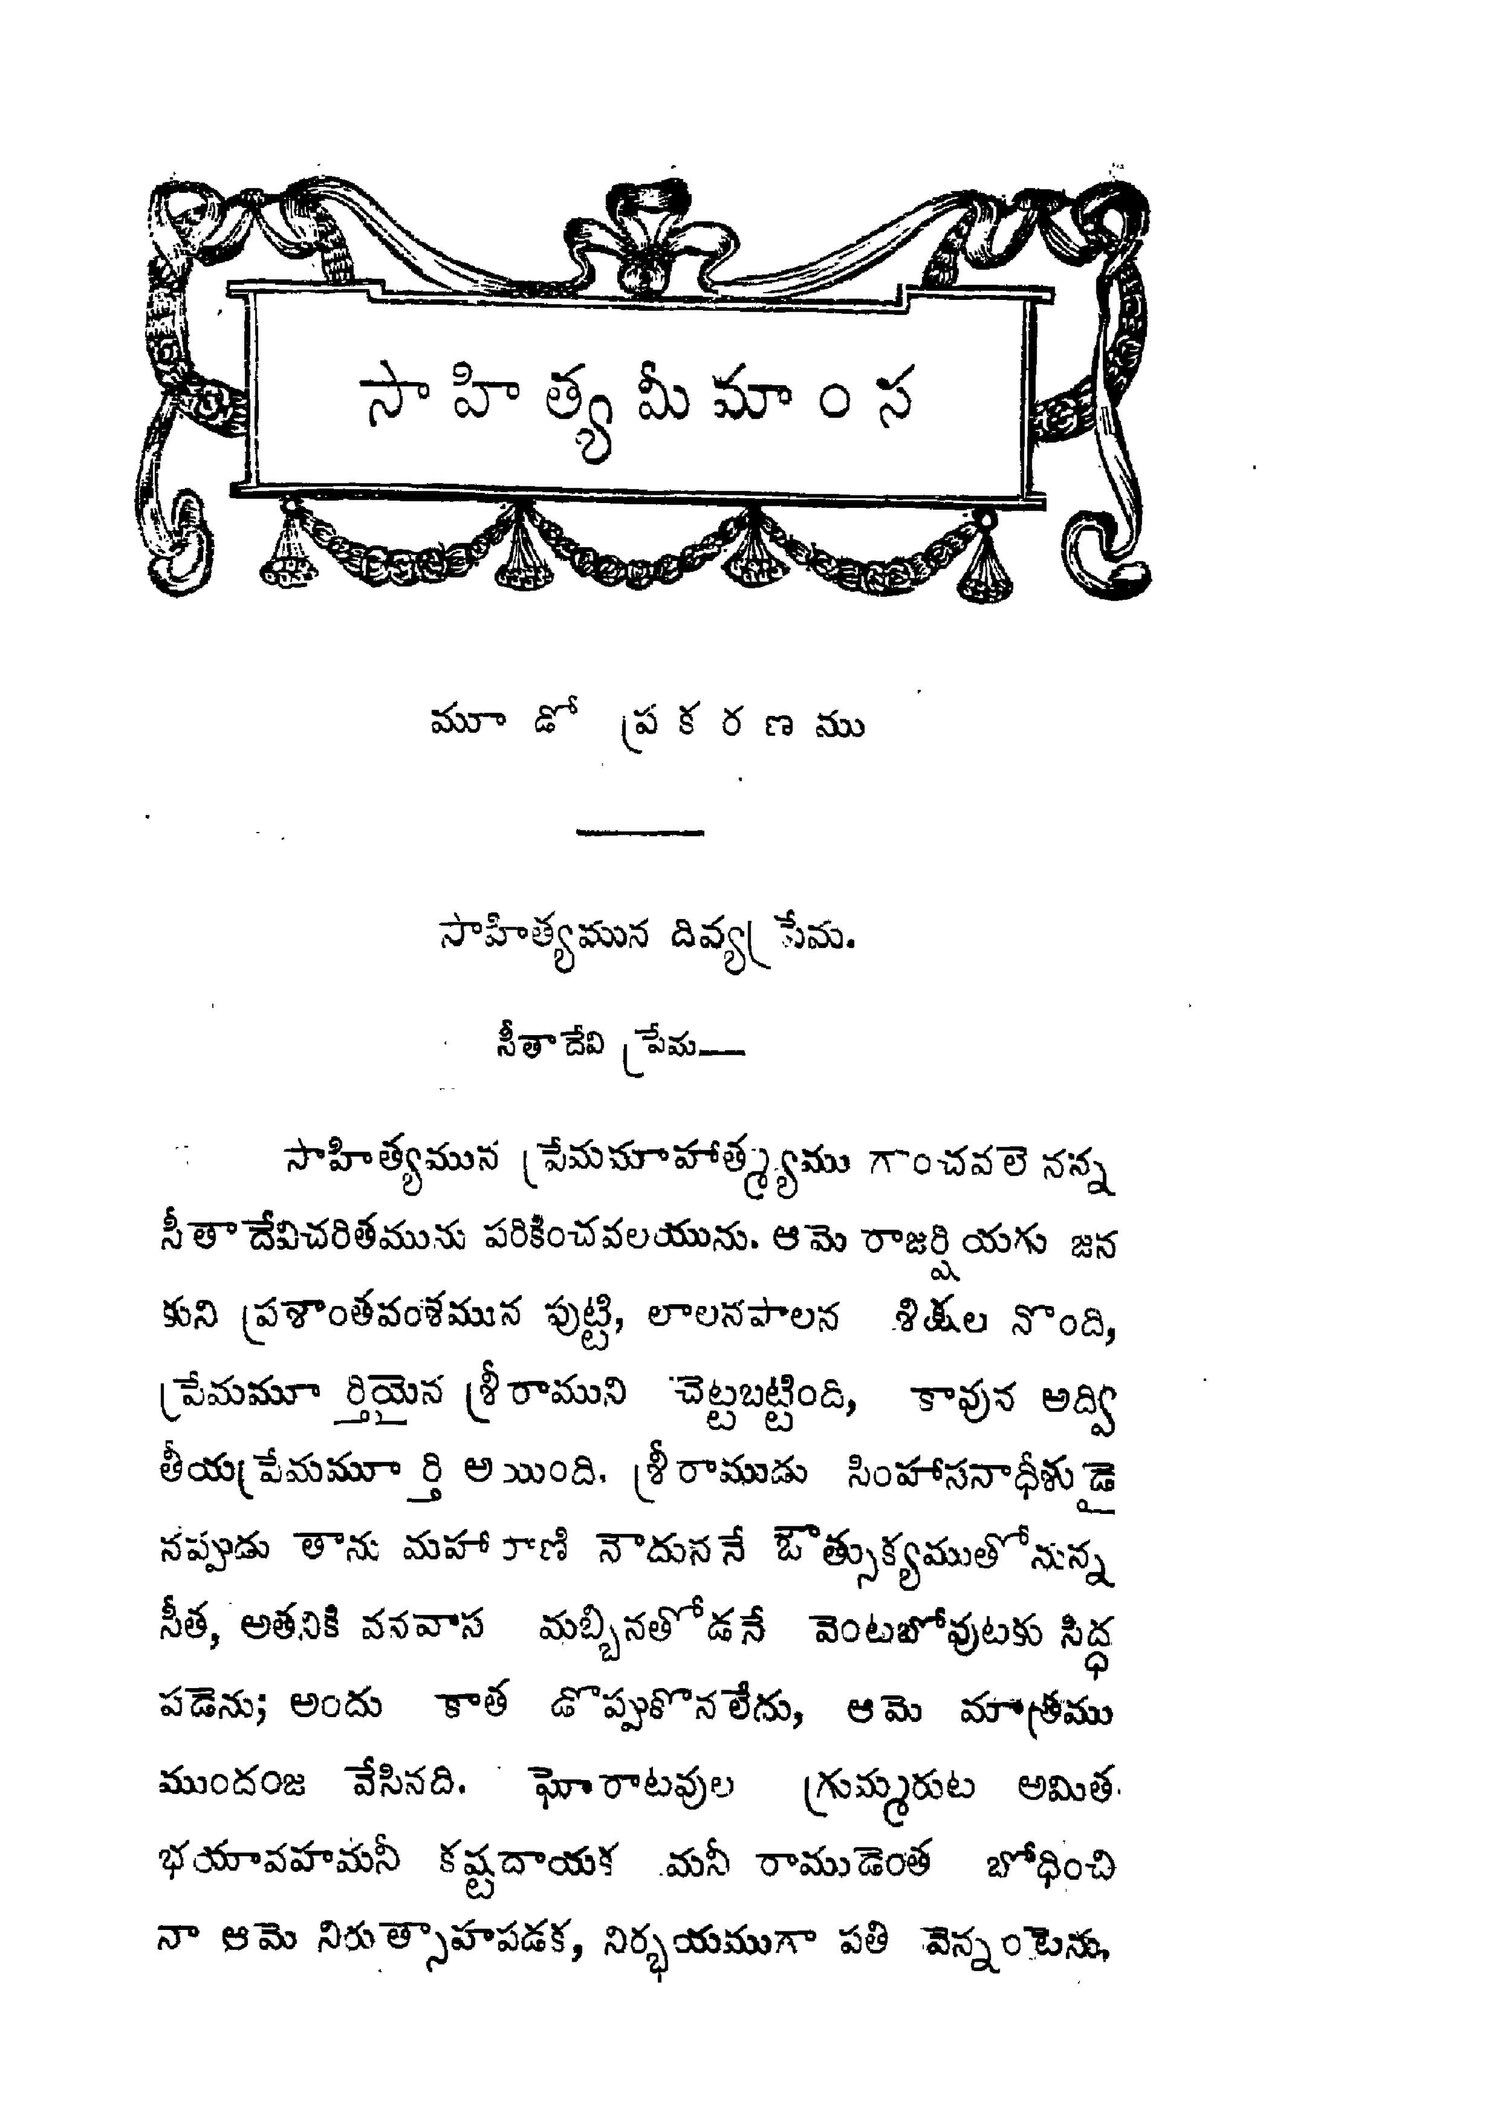సాహిత్యమున ప్రేమమాహాత్మ్యము గాంచవలె నన్న సీతాదేవిచరితమును పరికించవలయును. ఆమె రాజర్షి యగు జనకుని ప్రశాంతవంశమున పుట్టి, లాలనపాలన శిక్షల నొంది, ప్రేమమూర్తి యైన శ్రీరాముని చెట్టబట్టింది, కావున అద్వితీయప్రేమమూర్తి అయింది. శ్రీరాముడు సింహాసనాధీశుడై నప్పుడు తాను మహారాణి నౌదుననే ఔత్సుక్యముతోనున్న సీత, అతనికి వనవాస మబ్బినతోడనే వెంటబోవుటకు సిద్ధ పడెను; అందు కాత డొప్పుకొనలేదు, ఆమె మాత్రము ముందంజ వేసినది. ఘోరాటవుల గ్రుమ్మరుట అమిత భయావహమనీ కష్టదాయక మనీ రాముడెంత బోధించినా ఆమె నిరుత్సాహపడక, నిర్భయముగా పతి వెన్నంటెను,